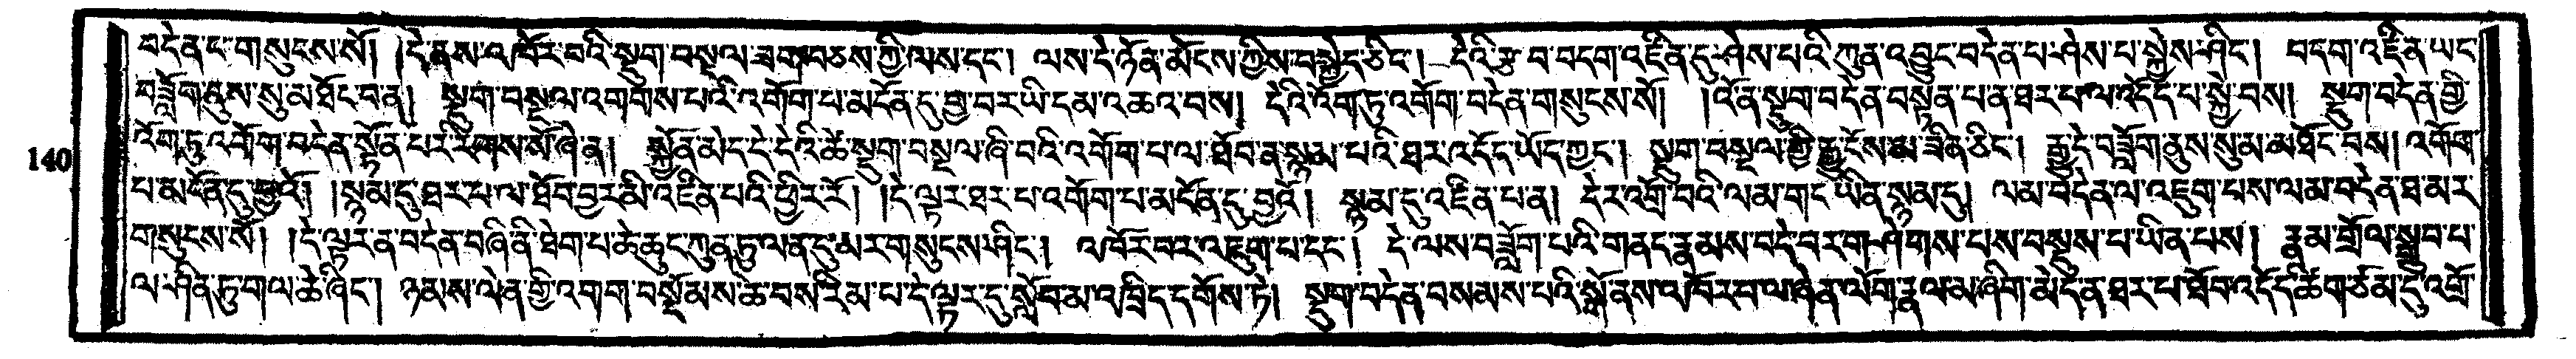བདེན་ང་གསུངས་སོ། །དེ་ནས་འཁོར་བའི་སྡུག་བསྔལ་ཟག་བཅས་ཀྱི་ལས་དང་། ལས་དེ་ཉོན་མོངས་ཀྱིས་བསྐྱེད་ཅིང་། དེའི་རྩ་བ་བདག་འཛིན་དུ་ཤེས་པའི་ཀུན་འབྱུང་བདེན་པ་ཤེས་པ་སྐྱེས་ཤིང་། བདག་འཛིན་ཡང་
བཟློག་ནུས་སུ་མཐོང་བ་ན། སྡུག་བསྔལ་འགགས་པའི་འགོག་པ་མངོན་དུ་བྱ་བར་ཡི་དམ་འཆའ་བས། དེའི་འོག་ཏུ་འགོག་བདེན་གསུངས་སོ། །འོ་ན་སྡུག་བདེན་བསྟན་པ་ན་ཐར་པ་ལ་འདོད་པ་སྐྱེ་བས། སྡུག་བདེན་གྱི་
འོག་ཏུ་འགོག་བདེན་སྟོན་པར་རིགས་སོ་ཞེ་ན། སྐྱོན་མེད་དེ་དེའི་ཚེ་སྡུག་བསྔལ་ཞི་བའི་འགོག་པ་ལ་ཐོབ་ན་སྙམ་པའི་ཐར་འདོད་ཡོད་ཀྱང་། སྡུག་བསྔལ་གྱི་རྒྱུ་ངོས་མ་ཟིན་ཅིང་། རྒྱུ་དེ་བཟློག་ནུས་སུ་མ་མཐོང་བས། འགོག་
པ་མངོན་དུ་བྱའོ། །སྙམ་དུ་ཐར་པ་ལ་ཐོབ་བྱར་མི་འཛིན་པའི་ཕྱིར་རོ། །དེ་ལྟར་ཐར་པ་འགོག་པ་མངོན་དུ་བྱའོ། སྙམ་དུ་འཛིན་པ་ན། དེར་འགྲོ་བའི་ལམ་གང་ཡིན་སྙམ་དུ། ལམ་བདེན་ལ་འཇུག་པས་ལམ་བདེན་ཐ་མར་
གསུངས་སོ། །དེ་ལྟར་ན་བདེན་བཞི་ནི་ཐེག་པ་ཆེ་ཆུང་ཀུན་ཏུ་ལན་དུ་མར་གསུངས་ཤིང་། འཁོར་བར་འཇུག་པ་དང་། དེ་ལས་བཟློག་པའི་གནད་རྣམས་བདེ་བར་གཤེགས་པས་བསྡུས་པ་ཡིན་པས། རྣམ་གྲོལ་སྒྲུབ་པ་
ལ་ཤིན་ཏུ་གལ་ཆེ་ཞིང་། ཉམས་ལེན་གྱི་འགག་བསྔོམས་ཆེ་བས་རིམ་པ་དེ་ལྟར་དུ་སློབ་མ་འཁྲིད་དགོས་ཏེ། སྡུག་བདེན་བསམས་པའི་སྒོ་ནས་འཁོར་བ་ལ་ཞེན་ལོག་རྣལ་མ་ཞིག་མེད་ན་ཐར་པ་ཐོབ་འདོད་ཚིག་ཙམ་དུ་འགྲོ་